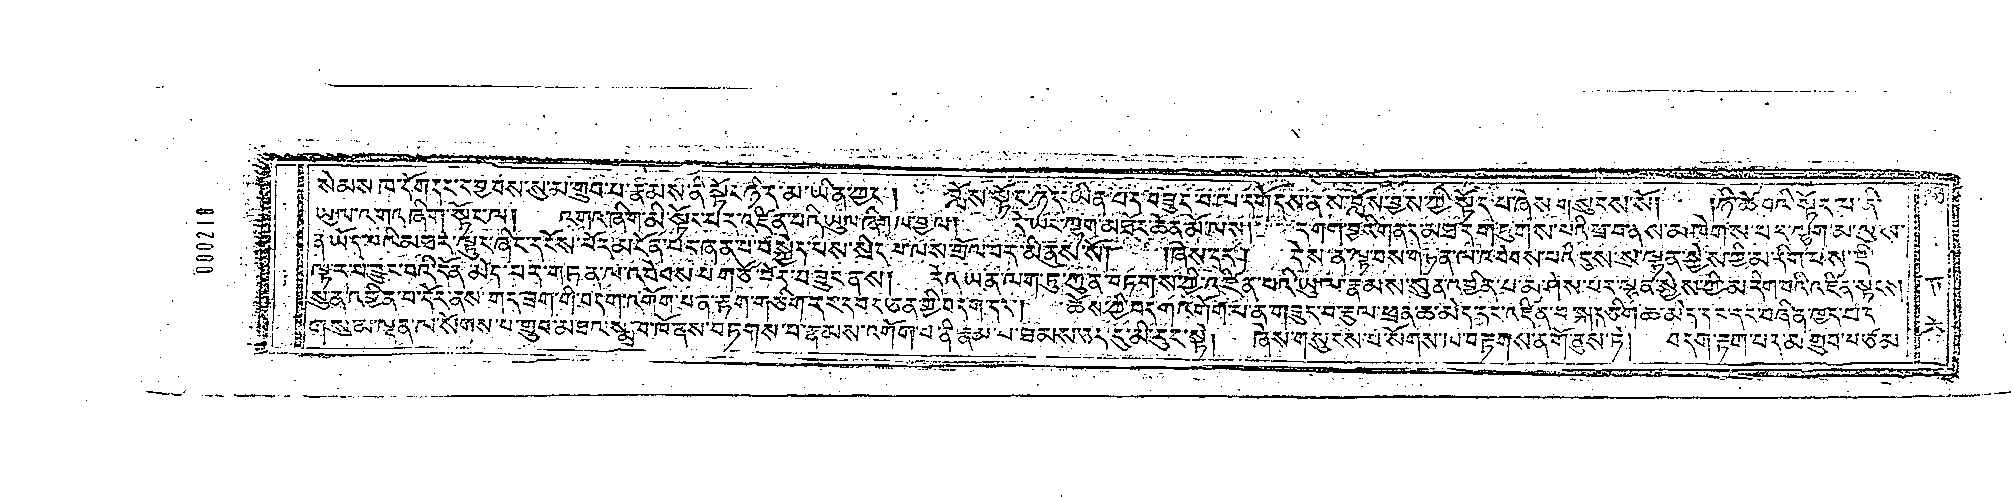སེམས་ཁ་དོག་དང་དབྱིབས་སུ་མ་གྲུབ་པ་རྣམས་ནི་སྟོང་ཉིད་མ་ཡིན་ཀྱང་། བློས་སྟོང་ཉིད་ཡིན་བར་བཟུང་བ་ལ་དགོངས་ནས་བློས་བྱས་ཀྱི་སྟོང་པ་ཞེས་གསུངས་སོ། །ཉི་ཆོ་བའི་སྟོང་པ་ནི་
ཡུལ་འགའ་ཞིག་སྟོང་ལ། འགའ་ཞིག་མི་སྟོང་པར་འྲྡོན་པའི་ཡུལ་ཞིག་ལ་བྱ་ལ། དེ་ཡང་ལྷག་མཐོང་ཆེན་མོ་ལས། དགག་བྱའི་གནང་མཐར་གཏུགས་པའི་ཕྲ་བ་ནས་མ་ཁེགས་པར་ལྷག་མ་ལུས་
ན་ཡོད་པའི་མཐར་ལྟུང་ཉིད་དངོས་པོར་མངོན་པར་ཞན་བ་བསྐྱེད་པས་སིད་བ་ལས་གྲོལ་བར་མི་ནུས་སོ། །ཞེས་དང་། དེས་ན་ལྟ་བས་གཏན་ལ་འབེབས་པའི་དུས་སུ་སྟན་སྐྱེས་ཀྱི་མ་རིག་པས་ཇི་
ལྟར་བཟུང་བའི་དོན་མེད་བར་གཏན་ལ་འབེབས་པ་གཙོ་བོར་བཟུང་ནས། དེའི་ཡན་ལག་ཏུ་ཀུན་བཏགས་ཀྱི་འཛིན་པའི་ཡུལ་རྣམས་སུན་འབྱིན་པ་མ་ཤེས་པར་ལྷན་སྐྱེས་ཀྱི་མ་རིག་བའི་འཛིན་སྟངས་
སུན་འབྱིན་བ་དོར་ནས་གང་ཟག་གི་བདག་འགོག་པ་ན་རྟག་གཅིག་རང་དབང་ཅན་གྱི་བདག་དང་། ཆོས་ཀྱི་བདག་འགོག་པ་ན་གཟུང་བ་རྩལ་ཕྲན་ཆ་མེད་དང་འཛིན་བ་སྐད་ཅིག་ཆ་མེད་དང་རང་བཞིན་ཁྱད་པར་
གསུམ་ལྡན་ལ་སོགས་པ་གྲུབ་མཐའ་སྨྲ་བ་ཁོ་ནས་བཏགས་པ་རྣམས་འགོག་པ་ནི་རྣམ་པ་ཐམས་ཅད་དུ་མི་རུང་སྟེ། ཞེས་གསུངས་པ་སོགས་ལ་བརྟགས་ན་གོ་ནུས་ཏེ། བདག་རྟག་པར་མ་གྲུབ་པ་རྩམ་